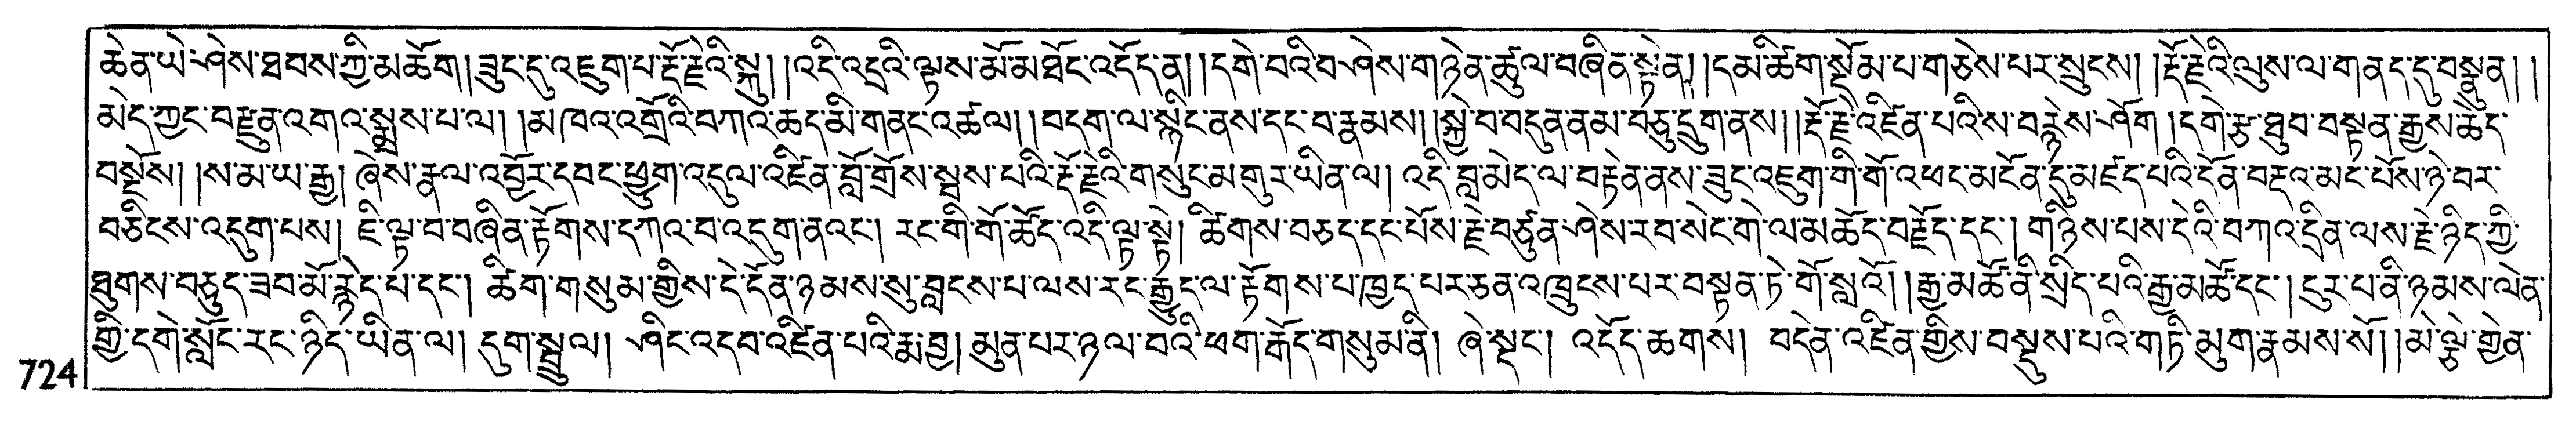ཆེན་ཡེ་ཤེས་ཐབས་ཀྱི་མཆོག །ཟུང་དུ་འཇུག་པ་རྡོ་རྗེའི་སྐུ། །འདི་འདྲའི་ལྟས་མོ་མཐོང་འདོད་ན། །དགེ་བའི་བཤེས་གཉེན་ཚུལ་བཞིན་སྟེན། །དམ་ཚིག་སྡོམ་པ་གཅེས་པར་སྲུངས། །རྡོ་རྗེའི་ལུས་ལ་གནང་དུ་བསྣུན། །
མེད་ཀྱང་བརྫུན་འགའ་སྨྲས་པ་ལ། །མཁའ་འགྲོའི་བཀའ་ཆད་མི་གནང་འཚལ། །བདག་ལ་སྙིང་ནས་དང་བ་རྣམས། །སྐྱེ་བ་བདུན་ནམ་བཅུ་དྲུག་ནས། །རྡོ་རྗེ་འཛིན་པའི་ས་བརྙེས་ཤོག །དགེ་རྩ་ཐུབ་བསྟན་རྒྱས་ཆེད་
བསྔོས། །ས་མ་ཡ་རྒྱ། ཞེས་རྣལ་འབྱོར་དབང་ཕྱུག་འདུལ་འཛིན་བློ་གྲོས་སྦས་པའི་རྡོ་རྗེའི་གསུང་མགུར་ཡིན་ལ། འདི་བླ་མེད་ལ་བརྟེན་ནས་ཟུང་འཇུག་གི་གོ་འཕང་མངོན་དུ་མཛད་པའི་དོན་བརྡའ་མང་པོས་ཉེ་བར་
བཅིངས་འདུག་པས། ཇི་ལྟ་བ་བཞིན་རྟོགས་དཀའ་བ་འདུག་ནའང་། རང་གི་གོ་ཚོད་འདི་ལྟ་སྟེ། ཚིགས་བཅད་དང་པོས་རྗེ་བཙུན་ཤེས་རབ་སེང་གེ་ལ་མཆོད་བརྗོད་དང་། གཉིས་པས་དེའི་བཀའ་དྲིན་ལས་རྗེ་ཉིད་ཀྱི་
ཐུགས་བཅུད་ཟབ་མོ་རྙེད་པ་དང་། ཚིག་གསུམ་གྱིས་དེ་དོན་ཉམས་སུ་བླངས་པ་ལས་རང་རྒྱུད་ལ་རྟོགས་པ་ཁྱད་པར་ཅན་འཁྲུངས་པར་བསྟན་ཏེ་གོ་སླའོ། །རྒྱ་མཚོ་ནི་སྲིད་པའི་རྒྱ་མཚོ་དང་། ངུར་པ་ནི་ཉམས་ལེན་
གྱི་དགེ་སློང་རང་ཉིད་ཡིན་ལ། དུག་སྦྲུལ། ཤིང་འདབ་འཛིན་པའི་རྨ་བྱ། མུན་པར་ཉལ་བའི་ཕག་རྒོད་གསུམ་ནི། ཞེ་སྡང་། འདོད་ཆགས། བདེན་འཛིན་གྱིས་བསྡུས་པའི་གཏི་མུག་རྣམས་སོ། །མེ་ལྕེ་གྱེན་